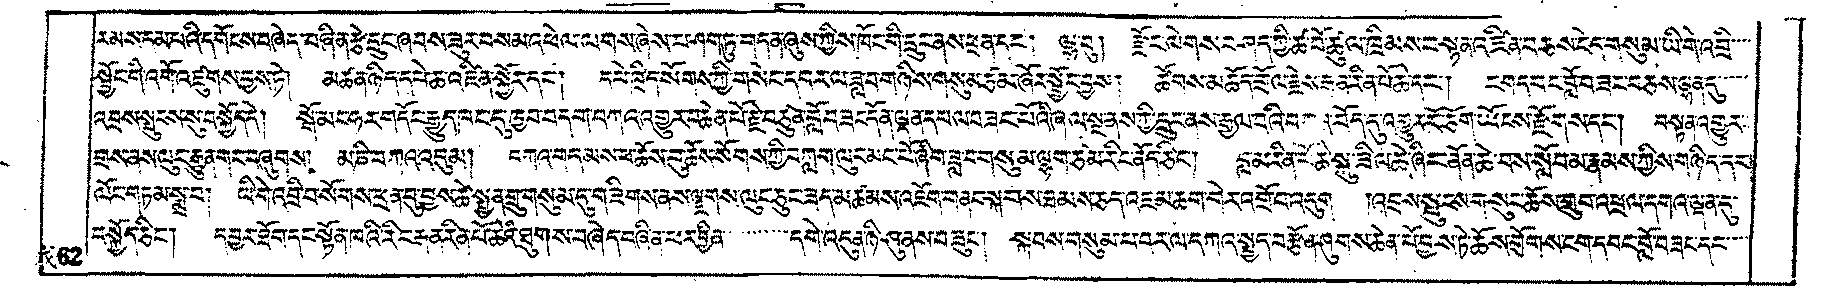རམས་དམ་པའི་དགོངས་བཞེད་བཞིན་རྩེ་དྲུང་ཞབས་ཟུར་བསམ་འཕེལ་ལགས་ཞེས་པ་ཤག་ཏུ་གདན་ཞུས་ཀྱིས་ཁོང་གི་དྲུང་ནས་ཕྲན་དང་། ལྷ་བུ། རྫོང་ལེགས་བཤད་ཀྱི་ཚ་བོ་ཚུལ་ཁྲིམས་བསྟན་འཛིན་བཅས་ངེད་གསུམ་ཡི་གེ་འབྲི་
སྦྱོང་གི་འགོ་འཛུགས་བྱས་ཏེ། མཚན་ཉིད་དཔེ་ཆ་འཛིན་སྐྱོར་དང་། དཔེ་ཁྲིད་སོགས་ཀྱི་གསེང་དབར་ལ་ཟླ་བ་གཉིས་གསུམ་ཙམ་ཞོར་སྦྱོང་བྱས། ཚོགས་མཆོད་གྲོལ་རྗེས་རྒན་རིན་པོ་ཆེ་དང་། ངག་དབང་བློ་བཟང་བཅས་ལྷན་དུ་
འབྲས་སྤུངས་སུ་བསྐྱོད་དེ། སྒོ་མང་ཧར་གདོང་རྒྱུད་ཁང་དུ་ཁྱབ་བདག་བཀའ་འགྱུར་བ་ཆེན་པོ་རྗེ་བཙུན་བློ་བཟང་དོན་ལྡན་དཔལ་བཟང་པོའི་ཞལ་སྔ་ནས་ཀྱི་དྲུང་ནས་རྒྱལ་བའི་བཀའ་བོད་དུ་འགྱུར་རོ་ཅོག་ཡོངས་རྫོགས་དང་། བསྟན་འགྱུར་
གྲས་ནས་ལུང་རྒྱུན་གང་བཞུགས། མ་ཎི་བཀའ་འབུམ། བཀའ་གདམས་ཕ་ཆོས་བུ་ཆོས་སོགས་ཀྱི་བཀླག་ལུང་མང་པོ་ཞིག་ཟླ་བ་གསུམ་ལྷག་ཙམ་རིང་ནོད་ཅིང་། བླ་མ་རིན་པོ་ཆེ་སྐུ་ཟིལ་ཆེ་ཞིང་ནོན་ཆེ་བས་སློབ་མ་རྣམས་ཀྱིས་གཉིད་དང་།
ལོང་གཏམ་སྨྲ་བ། ཡི་གེ་འབྲི་བ་སོགས་ཕྲན་བུ་བྱས་ཚེ་སྤྱན་གྲུ་གསུམ་དུ་གཟིགས་ནས་ལྗགས་ལུང་ཅུང་ཟད་མཚམས་འཇོག་གནང་སྐབས་ཐམས་ཅད་འཇམ་ཆག་གེར་འགྲོ་བ་འདུག །འབྲས་སྤུངས་གསུང་ཆོས་གྲུབ་འཕྲལ་དགའ་ལྡན་དུ་
བསྐྱོད་ཅིང་། དབྱར་ཐོག་དང་སྟོན་ཁའི་རིང་རྒན་རིན་པོ་ཆེའི་ཐུགས་བཞེད་བཞིན་ཕར་ཕྱིན་དགེ་འདུན་ཉི་ཤུ་ནས་བཟུང་། སྐབས་གསུམ་པ་བར་ལ་དཀའ་སྤྱད་བརྩོན་ཤུགས་ཆེན་པོ་བྱས་ཏེ་ཆོས་གྲོགས་ངག་དབང་བློ་བཟང་དང་